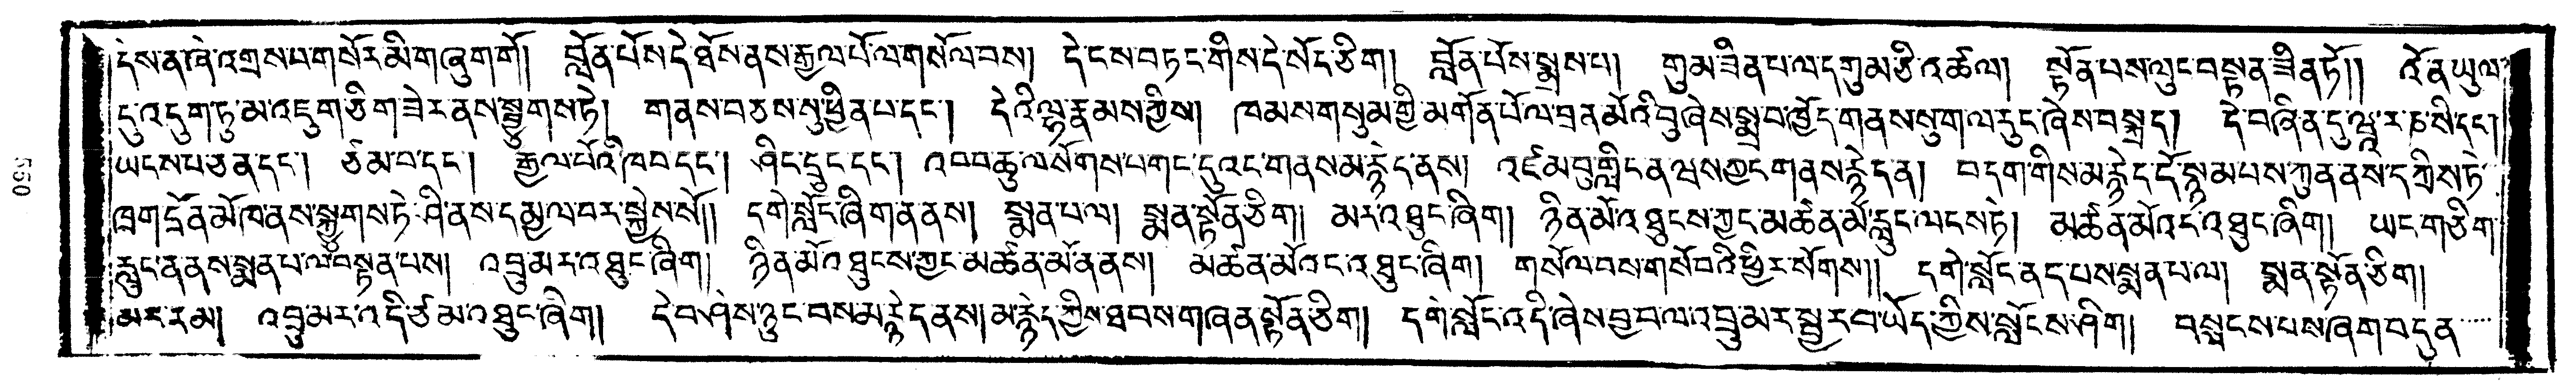དེས་ན་ཞེ་འགྲས་པ་གསོར་མི་གཞུག་གོ། བློན་པོས་དེ་ཐོས་ནས་རྒྱལ་པོ་ལ་གསོལ་བས། དེ་ངས་བཏང་གིས་དེ་སོང་ཅིག། བློན་པོས་སྨྲས་པ། གུམ་ཟིན་པ་ལ་དགུམ་ཅི་འཚལ། སྟོན་པས་ལུང་བསྟན་ཟིན་ཏོ།། འོ་ན་ཡུལ་
དུ་འདུག་ཏུ་མ་འཇུག་ཅིག་ཟེར་ནས་སྦྱུགས་ཏེ། གནས་བཅས་སུ་ཕྱིན་པ་དང་། དེའི་ལྷ་རྣམས་ཀྱིས། ཁམས་གསུམ་གྱི་མགོན་པོ་ལ་བྲན་མོའི་བུ་ཞེས་སྨྲ་བ་ཁྱོད་གནས་སུ་ག་ལ་རུང་ཞེས་བསྐྲད། དེ་བཞིན་དུ་ཝཱ་ར་ཎ་སི་དང་།
ཡངས་པ་ཅན་དང་། ཙམ་བ་དང་། རྒྱལ་པོའི་ཁབ་དང་། ཤིང་དྲུང་དང་། འབབ་ཆུ་ལ་སོགས་པ་གང་དུའང་གནས་མ་རྙེད་ནས། འཛམ་བུ་གླིང་ན་ཝས་ཀྱང་གནས་རྙེད་ན། བདག་གིས་མ་རྙེད་དོ་སྙམ་པས་ཀུན་ནས་དཀྲིས་ཏེ་
ཁྲག་དྲོན་མོ་ཁ་ནས་སྐྱུགས་ཏེ་ཤི་ནས་དམྱལ་བར་སྐྱེས་སོ།། དགེ་སློང་ཞིག་ན་ནས། སྨན་པ་ལ། སྨན་སྟོན་ཅིག། མར་འཐུང་ཞིག། ཉིན་མོ་འཐུངས་ཀྱང་མཚན་མོ་རླུང་ལངས་ཏེ། མཚན་མོའང་འཐུང་ཞིག། ཡང་གཅིག་
རླུང་ན་ནས་སྨན་པ་ལ་བསྟན་པས། འབྲུ་མར་འཐུང་ཞིག། ཉིན་མོ་འཐུངས་ཀྱང་མཚན་མོ་ན་ནས། མཚན་མོའང་འཐུང་ཞིག། གསོལ་བས་གསོ་བའི་ཕྱིར་སོགས།། དགེ་སློང་ནད་པས་སྨན་པ་ལ། སྨན་སྟོན་ཅིག།
མར་རམ། འབྲུ་མར་འདི་ཙམ་འཐུང་ཞིག། དེ་བཤེས་ཉུང་བས་མ་རྙེད་ནས། མ་རྙེད་ཀྱིས་ཐབས་གཞན་སྟོན་ཅིག། དགེ་སློང་འདི་ཞེས་བྱ་བ་ལ་འབྲུ་མར་སྦྱར་བ་ཡོད་ཀྱིས་སློངས་ཤིག། བསླངས་པས་ཞག་བདུན་